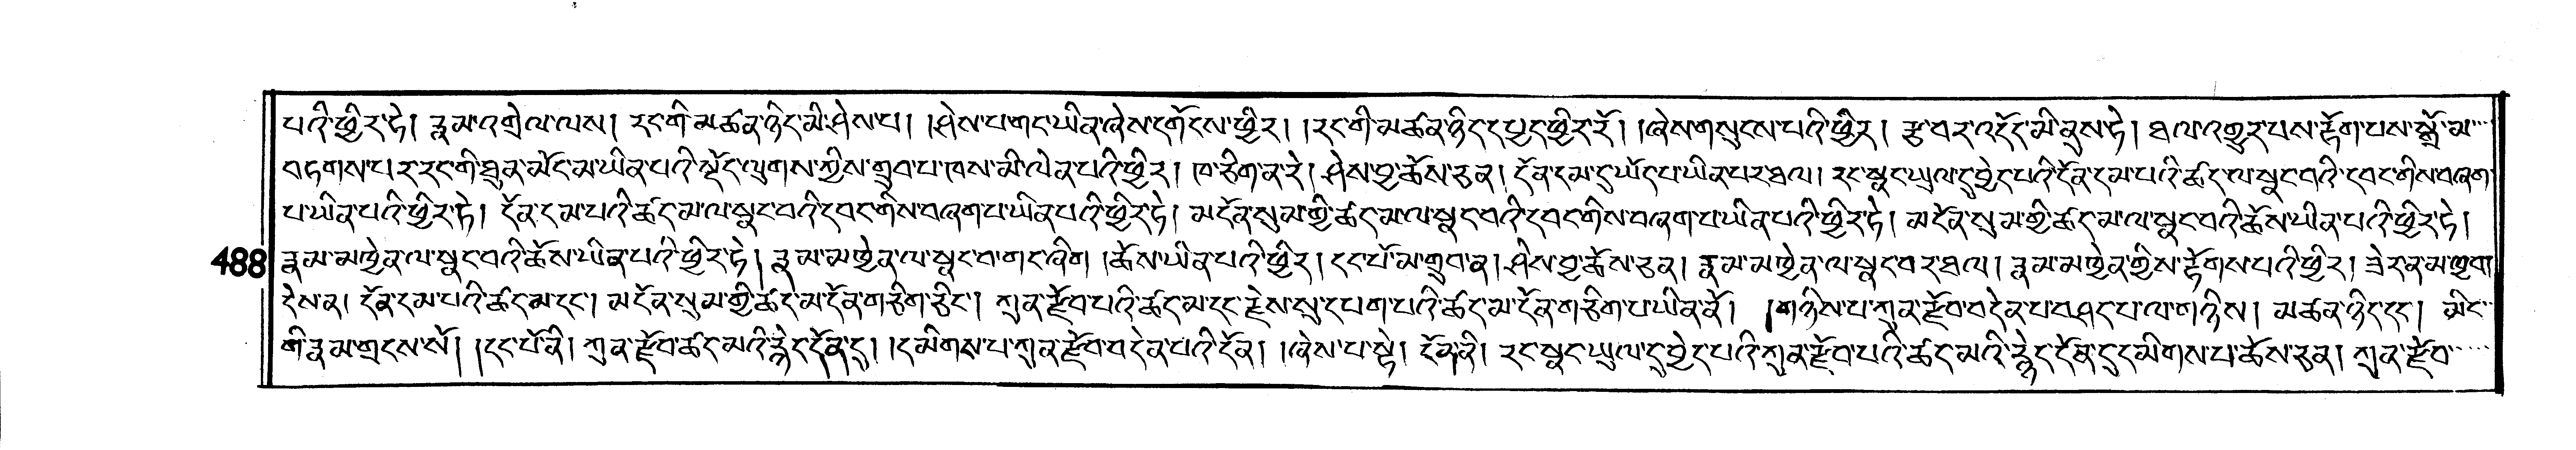པའི་ཕྱིར་ཏེ། རྣམ་འགྲེལ་ལས། རང་གི་མཚན་ཉིད་མི་ཤེས་པ། །ཤེས་པ་གང་ཡིན་ཞེས་དགོངས་ཕྱིར། །རང་གི་མཚན་ཉིད་དཔྱད་ཕྱིར་རོ། །ཞེས་གསུངས་པའི་ཕྱིར། རྩ་བར་འདོད་མི་ནུས་ཏེ། ཐལ་འགྱུར་པས་རྟོག་པས་སྒྲོ་མ་
བཏགས་པར་རང་གི་ཐུན་མོང་མ་ཡིན་པའི་སྡོད་ལུགས་ཀྱིས་གྲུབ་པ་ཁས་མི་ལེན་པའི་ཕྱིར། ཁ་ཅིག་ན་རེ། ཤེས་བྱ་ཆོས་ཅན། དོན་དམ་དུ་ཡོད་པ་ཡིན་པར་ཐལ། རང་སྣང་ཡུལ་དུ་བྱེད་པའི་དོན་དམ་པའི་ཚད་ལ་སྣང་བའི་དབང་གིས་བཞག་
པ་ཡིན་པའི་ཕྱིར་ཏེ། དོན་དམ་པའི་ཚད་མ་ལ་སྣང་བའི་དབང་གིས་བཞག་པ་ཡིན་པའི་ཕྱིར་ཏེ། མངོན་སུམ་གྱི་ཚད་མ་ལ་སྣང་བའི་དབང་གིས་བཞག་པ་ཡིན་པའི་ཕྱིར་ཏེ། མངོན་སུམ་གྱི་ཚད་མ་ལ་སྣང་བའི་ཆོས་ཡིན་པའི་ཕྱིར་ཏེ།
རྣམ་མཁྱེན་ལ་སྣང་བའི་ཆོས་ཡིན་པའི་ཕྱིར་ཏེ། རྣམ་མཁྱེན་ལ་སྣང་བ་གང་ཞིག །ཆོས་ཡིན་པའི་ཕྱིར། དང་པོ་མ་གྲུབ་ན། ཤེས་བྱ་ཆོས་ཅན། རྣམ་མཁྱེན་ལ་སྣང་བར་ཐལ། རྣམ་མཁྱེན་གྱིས་རྟོགས་པའི་ཕྱིར། ཟེར་ན་མ་ཁྱབ་
དེས་ན། དོན་དམ་པའི་ཚད་མ་དང་། མངོན་སུམ་གྱི་མཚན་མ་དོན་གཅིག་ཅིང་། ཀུན་རྫོབ་པའི་ཚད་མ་དང་རྗེས་སུ་དཔག་པའི་ཚད་མ་དོན་གཅིག་པ་ཡིན་ནོ། །གཉིས་པ་ཀུན་རྫོབ་བདེན་པ་བཤད་པ་ལག་ཉིས། མཚན་ཡིད་དང་། མིང་
གི་རྣམ་གྲངས་སོ། །དང་པོ་ནི། ཀུན་རྫོབ་ཚད་མའི་རྙེད་དོན་དུ། །དམིགས་པ་ཀུན་རྫོབ་བདེན་པའི་དོན། །ཞེས་པ་སྟེ། དོན་ནི། རང་སྣང་ཡུལ་དུ་བྱེད་པའི་ཀུན་རྫོབ་པའི་ཚད་མའི་རྙེད་དོན་དུ་དམིགས་པ་ཆོས་ཅན། ཀུན་རྫོབ་